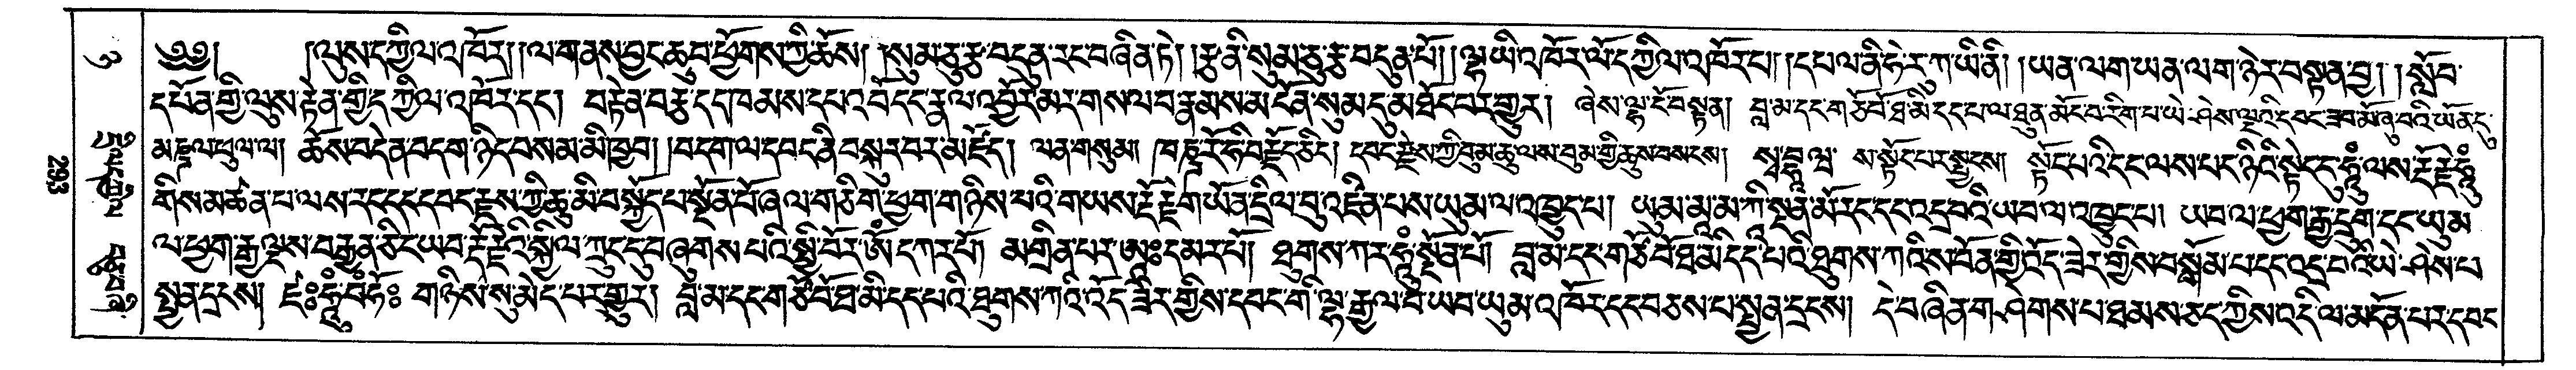༄༅། །ལུས་དཀྱིལ་འཁོར། །ལ་གནས་བྱང་ཆུབ་ཕྱོགས་ཀྱི་ཆོས། །སུམ་ཅུ་རྩ་བདུན་རང་བཞིན་ཏེ། །རྩ་ནི་སུམ་ཅུ་རྩ་བདུན་པོ། །ལྷ་ཡི་འཁོར་ལོ་དཀྱིལ་འཁོར་པ། །དཔལ་ནི་ཧེ་རུ་ཀ་ཡི་ནི། །ཡན་ལག་ཡན་ལག་ཉེར་བསྟན་བྱ། །སློབ་
དཔོན་གྱི་ལུས་རྟེན་གྱི་དཀྱིལ་འཁོར་དང་། བརྟེན་པ་རྩ་དང་ཁམས་དཔའ་བོ་དང་རྣལ་འབྱོར་མར་གསལ་བ་རྣམས་མངོན་སུམ་དུ་མཐོང་བར་གྱུར། ཞེས་ལྷ་ངོ་བསྟན། བླ་མ་དང་གཙོ་བོ་ཐ་མི་དད་པ་ལ་ཐུན་མོང་བ་རིག་པ་ཡེ་ཤེས་ལྔའི་དབང་ཟབ་མོ་ཞུ་བའི་ཡོན་དུ་
མཎྜལ་ཕུལ་ལ། ཆོས་བདེན་བདག་ཉིད་བསམ་མི་ཁྱབ། །བདག་ལ་དབང་ནི་བསྐུར་བར་མཛོད། ལན་གསུམ། ཁཎྜ་རོ་ཧི་བརྗོད་ཅིང་། དབང་རྫས་ཀྱི་བུམ་ཆུ་ལས་བུམ་གྱི་ཆུས་བསངས། ས་བྷཱ་ཝ་ས་སྟོང་པར་སྦྱངས། སྟོང་པའི་ངང་ལས་པད་ཉིའི་སྟེང་དུ་ཧཱུཾ་ལས་རྡོ་རྗེ་ཧཱུཾ་
གིས་མཚན་པ་ལས་རང་དང་དབང་རྫས་ཀྱི་ཆུ་མི་བསྐྱོད་བ་སྔོན་པོ་ཞལ་གཅིག་ཕྱག་གཉིས་པའི་གཡས་རྡོ་རྗེ་གཡོན་དྲིལ་བུ་འཛིན་བས་ཡུམ་ལ་འཁྱུད་པ། ཡུམ་མཱ་མ་མ་ཀཱི་སྔོན་མོ་རང་དང་འདྲ་བའི་ཡབ་ལ་འཁྱུད་པ། ཡབ་ལ་ཕྱག་རྒྱ་དྲུག་དང་ཡུམ་
ལ་ཕྱག་རྒྱ་ལྔས་བརྒྱན་ཅིང་ཡབ་རྡོ་རྗེའི་སྐྱིལ་ཀྲུང་དུ་བཞུགས་པའི་སྤྱི་བོར་ཨོཾ་དཀར་པོ། མགྲིན་པར་ཨཱཿདམར་པོ། ཐུགས་ཀར་ཧཱུཾ་སྔོན་པོ། བླ་མ་དང་གཙོ་བོ་ཐ་མི་དད་པའི་ཐུགས་ཀའི་ས་བོན་གྱི་འོད་ཟེར་གྱིས་བསྒོམ་པ་དང་འདྲ་བའི་ཡེ་ཤེས་པ་
སྤྱན་དྲངས། ཛཿཧཱུཾ་བཾ་ཧོཿ གཉིས་སུ་མེད་པར་གྱུར། བླ་མ་དང་གཙོ་བོ་ཐ་མི་དད་པའི་ཐུགས་ཀའི་འོད་ཟེར་གྱིས་དབང་གི་ལྷ་རྒྱལ་བ་ཡབ་ཡུམ་འཁོར་དང་བཅས་པ་སྤྱན་དྲངས། དེ་བཞིན་གཤེགས་པ་ཐམས་ཅད་ཀྱིས་འདི་ལ་མངོན་པར་དབང་